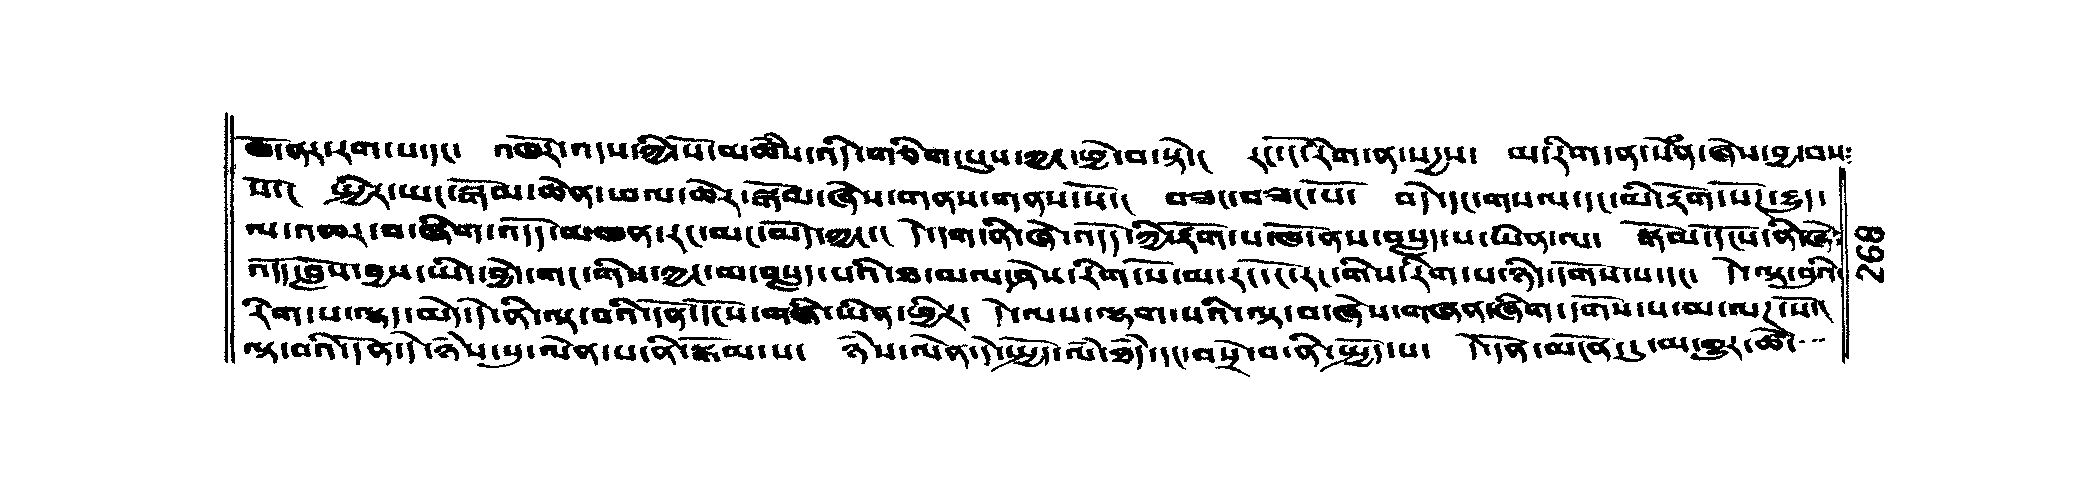ཁོ་ནར་རག་པ་དང་། འཁོར་འདས་ཀྱི་སོ་མཚམས་འདི་གཅིག་པུས་ཀྱང་ཕྱེ་བ་སྟེ། རང་ངོ་རིག་ན་སངས་རྒྱས། མ་རིག་ན་སེམས་ཅན་ཞེས་བྱ་བས་
སོ། སྤྱིར་ཡང་སྒོམ་ཆེན་ཕལ་ཆེར་སྒོམ་ཞེས་གནས་གནས་པོ། བཟང་བཟང་པོ། བདེ་དང་གསལ་དང་མི་རྟོག་སོགས་རྒྱུད་
ལ་འཆར་བ་ཞིག་འདོད་མཁན་རང་མང་མོད་ཀྱང་། དེ་དག་ནི་ཞེ་འདོད་ཀྱི་རྟོག་པ་ཁོ་ནས་བསླད་པ་ཡིན་ལ། སྒོམ་དངོས་ནི་ཞེ་
འདོད་བློས་བྱས་ཡིད་བྱེད་གང་གིས་ཀྱང་མ་བསླད་པའི་ཐ་མལ་ཤེས་རིག་སོ་མ་རང་ངོ་རང་གིས་རིག་པ་ཉིད་དགོས་པ་དང།དེ་ལྟ་བུའི་
རིག་པ་ལྷད་མེད་དེ་ནི་ལྟ་བའི་དོན་དངོས་གཞི་ཡིན་ཕྱིར། དེ་ལས་ལྷག་པའི་ལྟ་བ་ཞེས་གཞན་ཞིག་དགོས་པ་མ་ལགས་སོ། 
ལྟ་བའི་དོན་དེ་ཉམས་སུ་ལེན་པ་ནི་སྒོམ་པ། ཉམས་ལེན་དེ་སྤྱོད་ལམ་ཐམས་ཅད་དང་བསྲེ་བ་ནི་སྤྱོད་པ། དེ་དོན་མངོན་དུ་གྱུར་ཚེ་